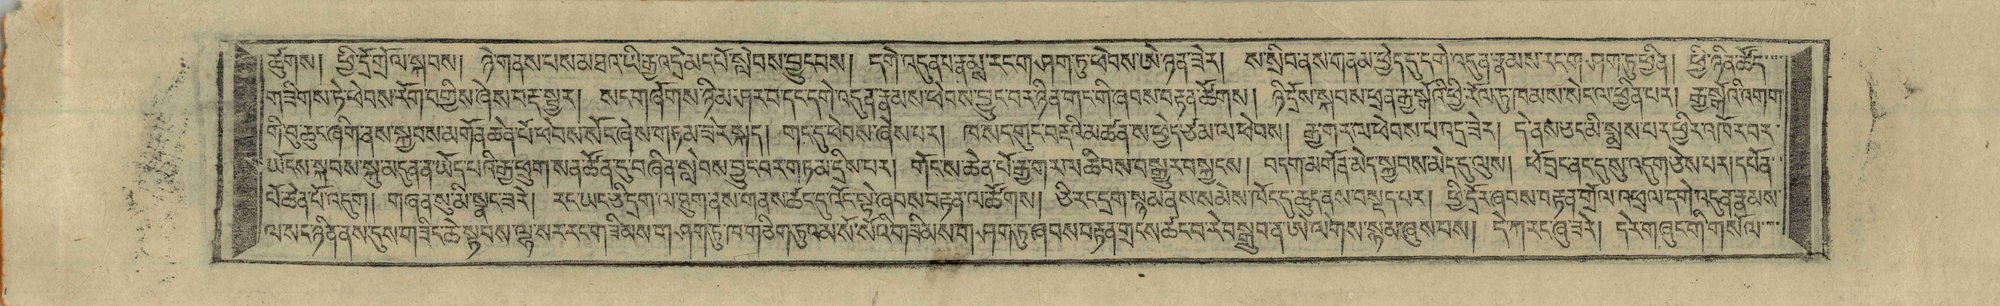ཚུགས། ཕྱི་དྲོ་གྲོལ་སྐབས། ཉེ་གནས་པས་མཐའ་ཡི་རྒྱ་འདྲེ་མང་པོ་སླེབས་བྱུང་བས། དགེ་འདུན་པ་རྣམས་རང་གཤག་ཏུ་ཕེབས་ཨེ་ཉན་ཟེར། ས་སྲིབ་ནས་གནམ་ཕྱེད་དུ་དགེ་འདུན་རྣམས་རང་གཤག་ཏུ་ཕྱིན། ཕྱི་ཉིན་ཚོད་
གཟིགས་ཏེ་ཕེབས་རོག་བགྱིས་ཞེས་བརྡ་སྦྱར། སང་གཞོགས་ཉི་མ་ཤར་བ་དང་དགེ་འདུན་རྣམས་ཕེབས་བྱུང་བར་ཉིན་གང་གི་ཞབས་བརྟན་ཚོགས། ཉི་དྲོས་སྐབས་ཕྲན་རྒྱ་སྒོའི་ཕྱི་རོལ་ཏུ་ཁམས་སེང་ལ་ཕྱིན་པར། རྒྱ་སྒོའི་འགག་
གི་བུ་ཆུང་ཞིག་ནས་སྐྱབས་མགོན་ཆེན་པོ་ཕེབས་སོང་ཞེས་གཏམ་ཟེར་སྐད། གང་དུ་ཕེབས་ཞེས་པར། ཁ་སང་གུང་བརྡའི་མཚན་ས་ཕྱེད་ཙམ་ལ་ཕེབས། རྒྱ་གར་ལ་ཕེབས་པ་འདྲ་ཟེར། དེ་ནས་ཅང་མི་སྨྲས་པར་ཕྱིར་འཁོར་བར་
ཡོངས་སྐབས་སྐུ་མདུན་ན་ཡོད་པའི་རྒྱ་ཕྲུགས་ན་ཚོན་དུ་བཞིན་སླེབས་བྱུང་བར་གཏམ་དྲིས་པར། གོང་ས་ཆེན་པོ་རྒྱ་གར་ལ་ཆིབས་བསྒྱུར་བསྐྱངས། བདག་མགོན་མེད་སྐྱབས་མེད་དུ་ལུས། ཕོ་བྲང་ནང་དུ་སུ་འདུག་ཅེས་པར། དཔོན་
པོ་ཆེན་པོ་འདུག །གཞན་སུ་མི་སྣང་ཟེར། རང་ཡང་ཅི་དྲག་ལ་ཐུག་ནས་གནས་ཚང་དུ་འོང་སྟེ་ཞབས་བརྟན་ལ་ཚོགས། ཅི་རང་དྲག་སྙམ་ནས་སེམས་ཁོང་དུ་ཆུད་ནས་བསྡད་པར། ཕྱི་དྲོར་ཞབས་བརྟན་གྲོལ་འཕྲལ་དགེ་འདུན་རྣམས་
ལ་སང་ཉིན་ནས་དུས་གཟིང་ཆེ་སྟབས་ལྷ་སར་རང་གཟིམས་གཤག་ཏུ་ཁ་གཅིག་ཏུ་འམ་སོ་སོའི་གཟིམས་གཤག་ཏུ་ཞབས་བརྟན་གྲངས་ཚང་བ་རེ་བསྒྲུབ་ན་ཨེ་ལེགས་སྙམ་ཞུས་པས། དེ་ཀ་རང་ཞུ་ཟེར། དེར་གཞུང་གི་གསོལ་